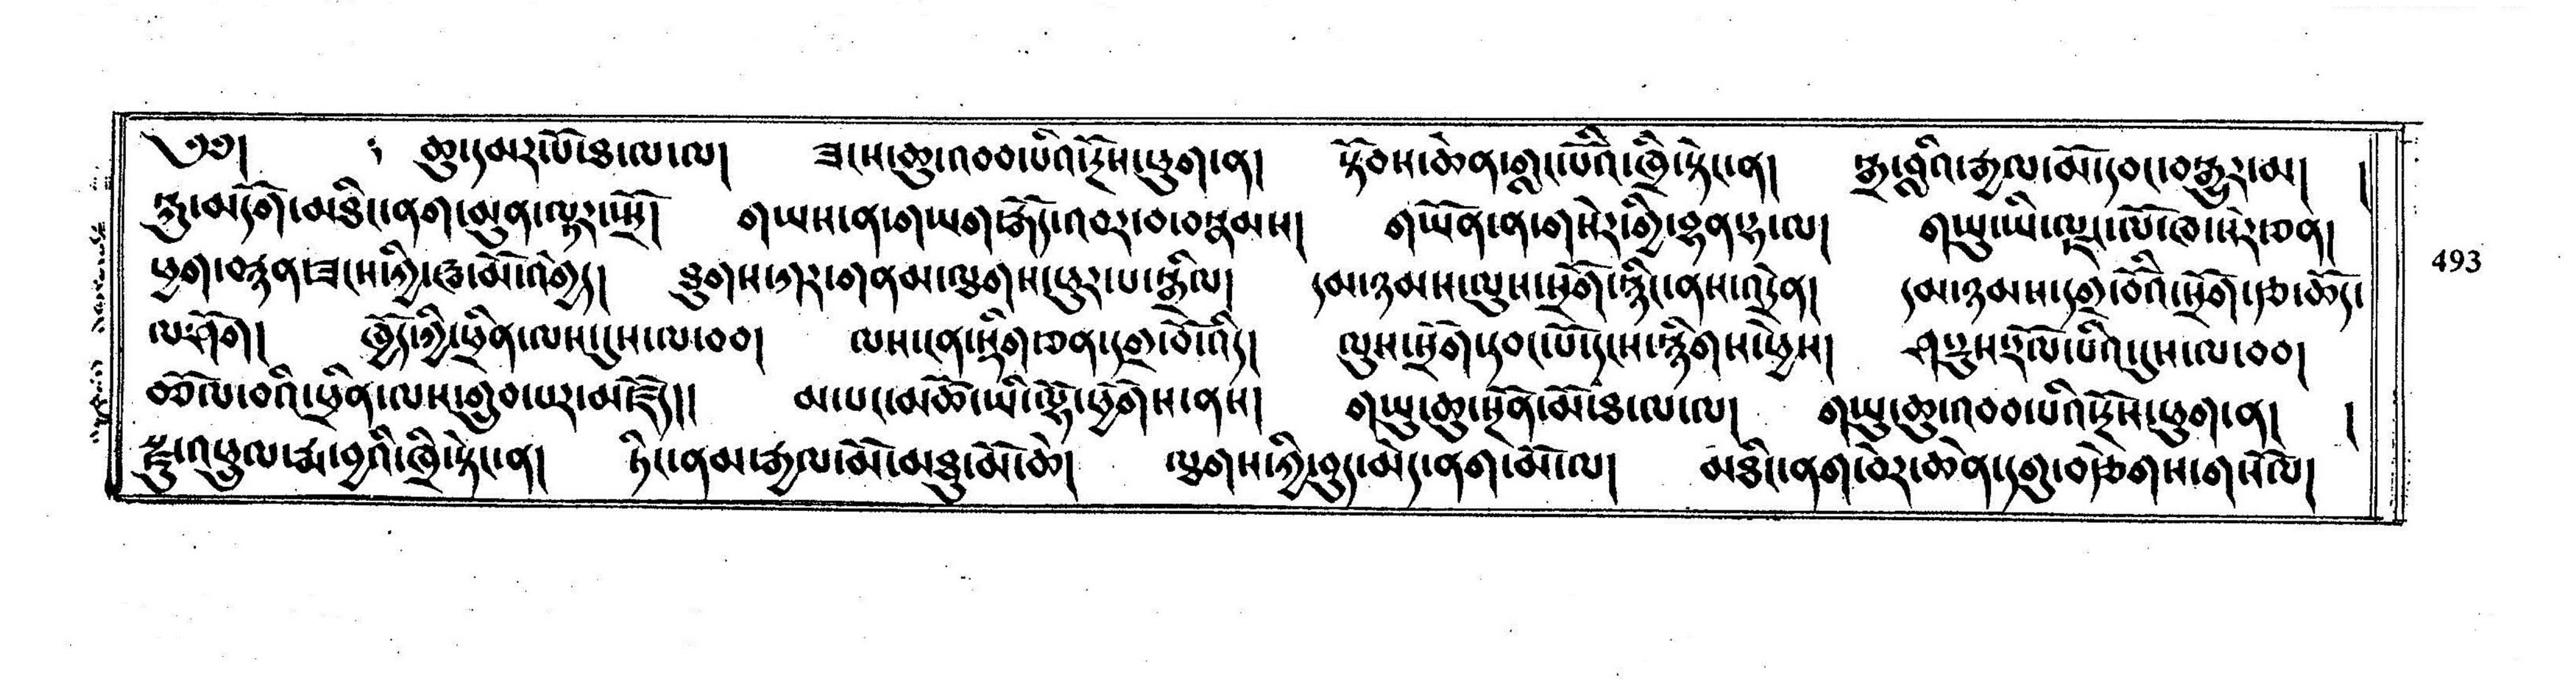ཆུ་དམར་པོ་ཐ་ལ་ལ། ཟངས་ཆུ་འབབ་པའི་རྔོས་ཕུག་ན། སྟོབས་ཆེན་གླང་པོའི་ཁྲི་སྟེང་ན། སྒྲ་བླའི་རྒྱལ་མོ་དབང་བསྒྱུར་མ། 
སྐུ་མདོག་མཐིང་ནག་མུན་ལྟར་སྤྲོ། གཡས་ན་གཡག་རྒོད་འབར་བ་བསྣམས། གཡོན་ན་གསེར་གྱི་བྷན་དྷ་ལ། གཡུ་ཡི་ལྗང་ལོ་ཁ་སེར་ཅན། 
ཕྱག་བརྙན་ཟངས་ཀྱི་ཝ་མོ་འགྱེད། ཐུགས་ཀར་གནམ་ལྕགས་ཕུར་པ་སྒྲིལ། དམ་ཉམས་ལུས་སྲོག་སྙིང་ནས་འདྲེན། དམ་ཉམས་དགྲ་བོའི་སྲོག་རྩ་ཆོད་
ལ་ཤོག ཁྱོད་ཀྱི་ཕྲིན་ལས་དུས་ལ་བབ་{507}ལས་ངན་སྡིག་ཅན་དགྲ་བོ་འདི། ལུས་སྲོག་དབང་པོ་དངས་སྙིགས་ཕྱེས། ཤ་རུས་རོལ་པའི་དུས་ལ་བབ། 
བཅོལ་བའི་ཕྲིན་ལས་གྲུབ་པར་མཛོད།། མ་པང་མཚོ་ཡི་ལྷོ་ཕྱོགས་ནས། གཡུ་ཆུ་སྔོན་མོ་ཐ་ལ་ལ། གཡུ་ཆུ་འབབ་པའི་རྔོས་ཕུག་ན། 
རྫུ་འཕྲུལ་རྨ་བྱའི་ཁྲི་སྟེང་ན། ཏིང་ནམ་རྒྱལ་མོ་མཐུ་མོ་ཆེ། ལྕགས་ཀྱི་བུད་མེད་ནག་མོ་ལ། མཐིང་ནག་བེར་ཆེན་དགུ་བརྩེགས་གསོལ།